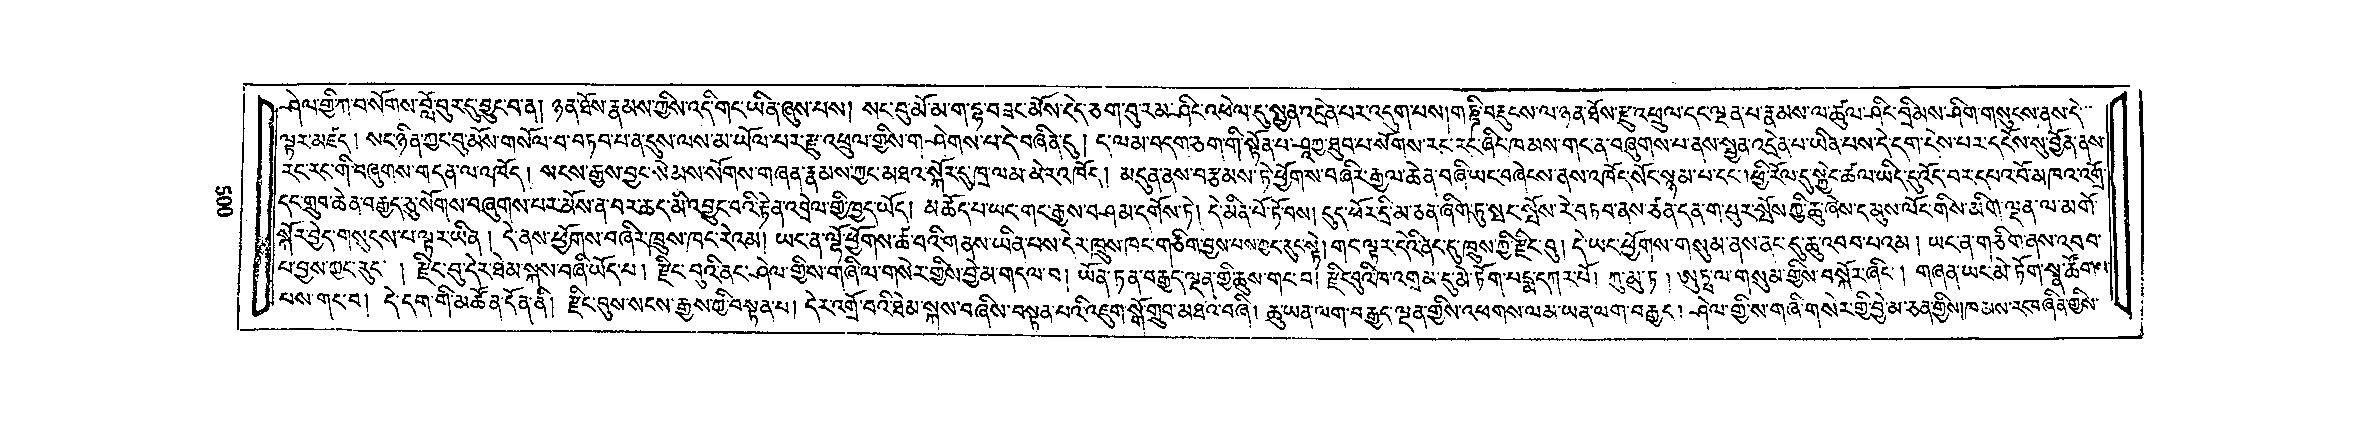ཤེལ་གྱི་ཀ་བ་སོགས་བློ་བུར་དུ་བྱུང་བ་ན། ཉན་ཐོས་རྣམས་ཀྱིས་འདི་གང་ཡིན་ཞུས་པས། སང་བུ་མོ་མ་ག་དྷ་བཟང་མོས་ངེད་ཅག་བུ་རམ་ཤིང་འཕེལ་དུ་སྤྱན་འདྲེན་པར་འདུག་པས། གཎྜི་བརྡུངས་ལ་ཉན་ཐོས་རྫུ་འཕྲུལ་དང་ལྡན་པ་རྣམས་ལ་ཚུལ་ཤིང་བྲིམས་ཤིག་གསུངས་ནས་དེ་
ལྟར་མཛད། སང་ཉིན་ཀྱང་བུ་མོས་གསོལ་བ་བཏབ་པ་ན་དུས་ལས་མ་ཡོལ་པར་རྫུ་འཕྲུལ་གྱིས་གཤེགས་པ་དེ་བཞིན་དུ། ད་ལམ་བདག་ཅག་གི་སྟོན་པ་ཤཱཀྱ་ཐུབ་པ་སོགས་རང་རང་ཞིང་ཁམས་གང་ན་བཞུགས་པ་ནས་སྤྱན་འདྲེན་པ་ཡིན་པས་དེ་དག་ངེས་པར་དངོས་སུ་བྱོན་ནས་
རང་རང་གི་བཞུགས་གདན་ལ་འཁོད། སངས་རྒྱས་བྱང་སེམས་སོགས་གཞན་རྣམས་ཀྱང་མཐའ་སྐོར་དུ་ཁྲ་ལམ་མེར་འཁོད། མདུན་ནས་བརྩམས་ཏེ་ཕྱོགས་བཞིར་རྒྱལ་ཆེན་བཞི་ཡང་བཞེངས་ནས་འཁོད་སོང་སྙམ་པ་དང་། ཕྱི་རོལ་དུ་སྐྱེད་ཚལ་ཡིད་དུ་འོང་བར་དཔའ་བོ་མཁའ་འགྲོ་
དང་གྲུབ་ཆེན་བརྒྱད་ཅུ་སོགས་བཞུགས་པར་མོས་ན་བར་ཆད་མི་འབྱུང་བའི་རྟེན་འབྲེལ་གྱི་ཁྱད་ཡོད། མཆོད་པ་ཡང་གང་རྒྱས་བཤམ་དགོས་ཏེ། དེ་མིན་པོ་ཏོ་བས། དུད་ཕོར་དྲི་མ་ཅན་ཞིག་ཏུ་སྤང་སྤོས་རེ་བཏབ་ནས་ཙན་དན་ག་པུར་སྤོས་ཀྱི་ཆུ་ཞེས་དམུས་ལོང་གིས་མིག་ལྡན་ལ་མགོ་
སྐོར་བྱེད་གསུངས་པ་ལྟར་ཡིན། དེ་ནས་ཕྱོགས་བཞིར་ཁྲུས་ཁང་རེའམ། ཡང་ན་ལྷོ་ཕྱོགས་ཚ་བའི་གནས་ཡིན་པས་དེར་ཁྲུས་ཁང་གཅིག་བྱས་པས་ཀྱང་རུང་སྟེ། གང་ལྟར་དེའི་ནང་དུ་ཁྲུས་ཀྱི་རྫིང་བུ། དེ་ཡང་ཕྱོགས་གསུམ་ནས་ནང་དུ་ཆུ་འབབ་པའམ། ཡང་ན་གཅིག་ནས་འབབ་
པ་བྱས་ཀྱང་རུང་། རྫིང་བུ་དེར་ཐེམ་སྐས་བཞི་ཡོད་པ། རྫིང་བུའི་ནང་ཤེལ་གྱིས་གཞི་ལ་གསེར་གྱིས་བྱེ་མ་གདལ་བ། ཡོན་ཏན་བརྒྱད་ལྡན་གྱི་ཆུས་གང་བ། རྫིང་བུའི་ཁ་འགྲམ་དུ་མེ་ཏོག་པདམ་དཀར་པོ། ཀུ་མུ་ཏ། ཨུཏཔལ་གསུམ་གྱིས་བསྐོར་ཞིང་། གཞན་ཡང་མེ་ཏོག་སྣ་ཚོགས་
པས་གང་བ། དེ་དག་གི་མཚོན་དོན་ནི། རྫིང་བུས་སངས་རྒྱས་ཀྱི་བསྟན་པ། དེར་འགྲོ་བའི་ཐེམ་སྐས་བཞིས་བསྟན་པའི་འཇུག་སྒོ་གྲུབ་མཐའ་བཞི། ཆུ་ཡན་ལག་བརྒྱད་ལན་གྱིས་འཕགས་ལམ་ཡན་ལག་བརྒྱད། ཤེལ་གྱིས་གཞི་གསེར་གྱི་བྱེ་མ་ཅན་གྱིས་ཁམས་རང་བཞིན་གྱིས་